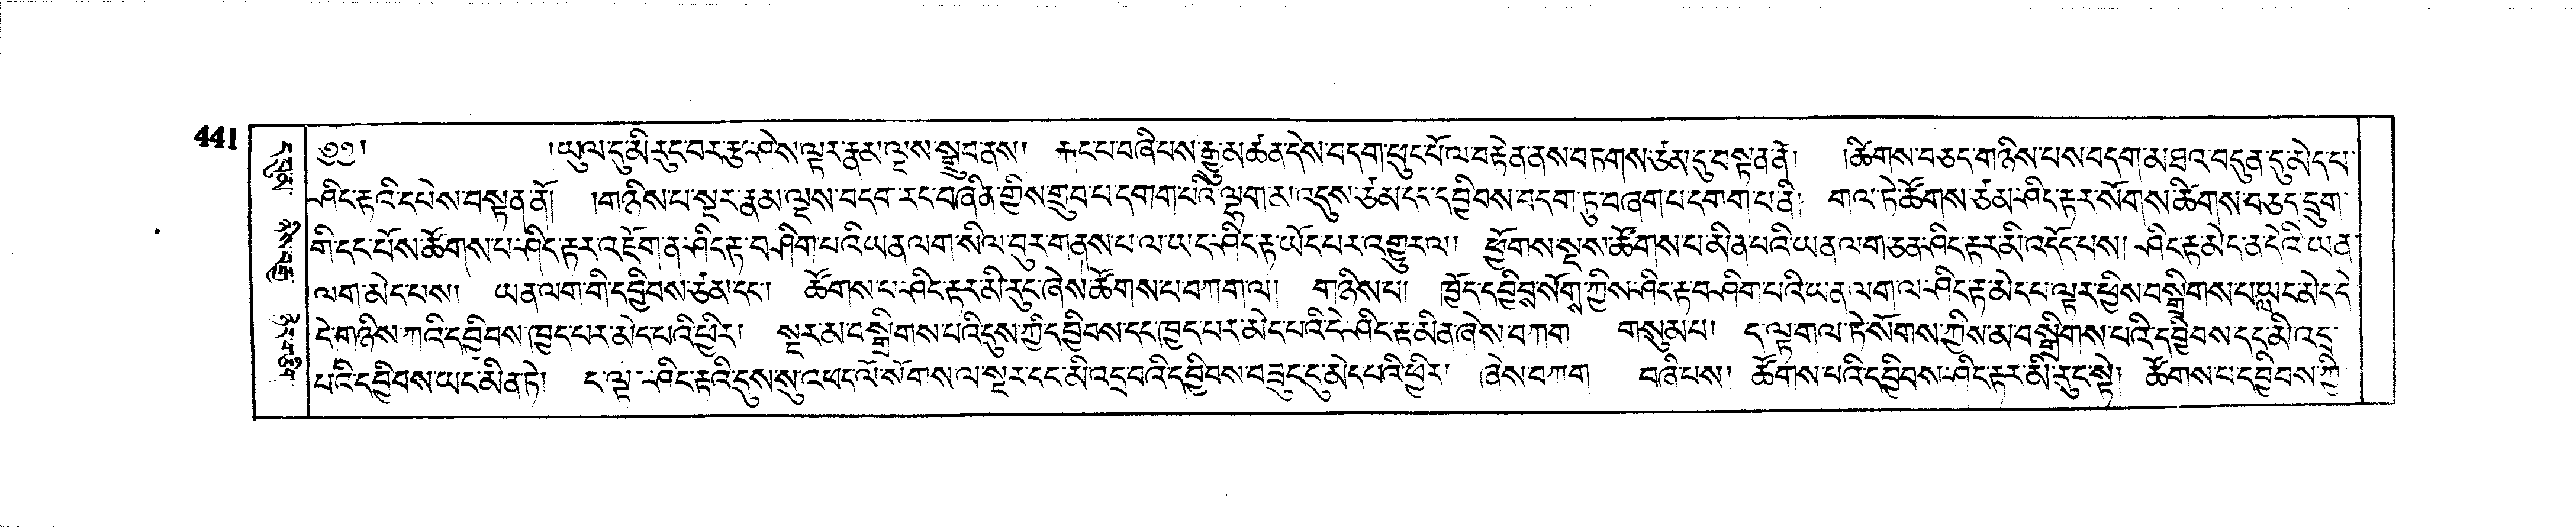༄༅། །ཡུལ་དུ་མི་རུང་བར་རྩ་ཤེས་ལྟར་རྣམ་ལྔས་སྒྲུབ་ནས། རྐང་པ་བཞི་པས་རྒྱུ་མཚན་དེས་བདག་ཕུང་པོ་ལ་བརྟེན་ནས་བཏགས་ཙམ་དུ་བསྟན་ནོ། །ཚིགས་བཅད་གཉིས་པས་བདག་མཐའ་བདུན་དུ་མེད་པ་
ཤིང་རྟའི་དཔེས་བསྟན་ནོ། །གཉིས་པ་སྔར་རྣམ་ལྔས་བདབ་རང་བཞིན་གྱིས་གྲུབ་པ་དགག་པའི་ལྷག་མ་འདུས་ཙམ་དང་དབྱིབས་བདག་ཏུ་བཞག་པ་དགག་པ་ནི། གལ་ཏེ་ཚོགས་ཙམ་ཤིང་རྟར་སོགས་ཚིགས་བཅད་དྲུག་
གི་དང་པོས་ཚོགས་པ་ཤིང་རྟར་འཇོག་ན་ཤིང་རྟ་བཤིག་པའི་ཡན་ལག་སིལ་བུར་གནས་པ་ལ་ཡང་ཤིང་རྟ་ཡོད་པར་འགྱུར་ལ། ཕྱོགས་སྔས་ཚོགས་པ་མིན་པའི་ཡན་ལག་ཅན་ཤིང་རྟར་མི་འདོད་པས། ཤིང་རྟ་མེད་ན་དེའི་ཡན་
ལག་མེད་པས། ཡན་ལག་གི་དབྱིབས་ཙམ་དང་། ཚོགས་པ་ཤིང་རྟར་མི་རུང་ཞེས་ཚོགས་པ་བཀག་ལ། གཉིས་པ། ཁྱོད་དབྱིབས་སོགས་ཀྱིས་ཤིང་རྟ་བཤིག་པའི་ཡན་ལག་ལ་ཤིང་རྟ་མེད་པ་ལྟར་ཕྱིས་བསྒྲིགས་པ་ལ་ཡང་མེད་དེ་
དེ་གཉིས་ཀའི་དབྱིབས་ཁྱད་པར་མེད་པའི་ཕྱིར། སྔར་མ་བསྒྲིགས་པའི་དུས་ཀྱི་དབྱིབས་དང་ཁྱད་པར་མེད་པའི་དེ་ཤིང་རྟ་མིན་ཞེས་བཀག་གསུམ་པ། ད་ལྟ་གལ་ཏེ་སོགས་ཀྱིས་མ་བསྒྲིགས་པའི་དབྱིབས་དང་མི་འདྲ་
པའི་དབྱིབས་ཡང་མིན་ཏེ། ད་ལྟ་ཤིང་རྟའི་དུས་སུ་འཕང་ལོ་སོགས་ལ་སྔར་དང་མི་འདྲ་བའི་དབྱིབས་བཟུང་དུ་མེད་པའི་ཕྱིར། ཞེས་བཀག་བཞི་པས། ཚོགས་པའི་དབྱིབས་ཤིང་རྟར་མི་རུང་སྟེ། ཚོགས་པ་དབྱིབས་ཀྱི་